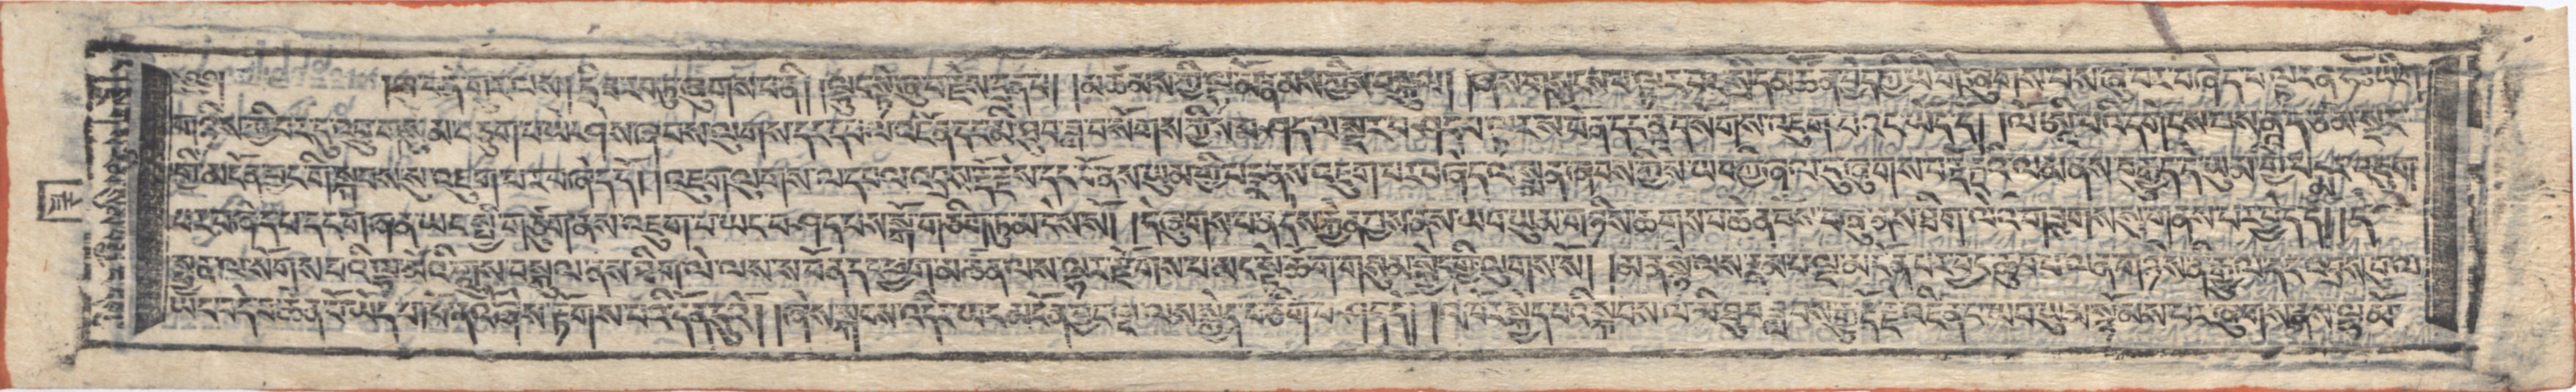༄༅། །ཞུ་བ་ནི་གུར་ལས། དྲི་ཟ་རབ་ཏུ་ཞུགས་པ་ནི། །ལྷུང་སྟེ་ཞུ་བ་རྗེས་དྲན་པ། །མཚམས་ཀྱི་ལྷ་མོ་རྣམས་ཀྱིས་བསྐུལ། །ཞེས་གསུངས་པ་ལྟར་བར་སྲིད་མཚོན་བྱེད་ཀྱི་ཡི་གེ་ཞུགས་པས་ཞུ་བར་བཞེད་པ་ལྟར་ན་ཧོཿ ཡིག་
གཉིས་ཀྱི་བར་དུ་འབྲུ་གསུམ་བཅུག་པ་ཡེ་ཤེས་ཞབས་ལུགས་དང་དཔལ་འཛིན་དང་མི་ཐུབ་ཟླ་བ་སོགས་ཀྱིས་བཤད་ལ་སྔར་བཤད་པ་ལྟར་ས་བོན་དང་ནཱ་ད་སོགས་འཇུག་པའང་ཡོད་དོ། །ལོ་ཨཱི་པའི་དགོངས་པས་ནཱ་ད་ཙམ་སྔར་
གྱི་མངོན་བྱང་གི་སྐབས་སུ་འཇུག་པར་བཞེད་དོ། །འཇུག་ལུགས་ལ་དཔལ་འབྲས་རྡོ་རྗེས་དང་པོ་ནས་ཡུམ་གྱི་པདམ་ནས་འཇུག་པར་བཞེད་ལ་སྨན་ཞབས་ཀྱིས་ཡབ་ཀྱི་ཞལ་དུ་ཞུགས་པ་རྡོ་རྗེའི་ལམ་ནས་བརྒྱུད་དེ་ཡུམ་གྱི་པདམར་འཇུག་
པར་བཞེད་པ་དང་གཞན་ཡང་སྤྱི་གཙུག་ནས་འཇུག་པ་ཡང་བཤད་པས་སྒོ་གཅིག་ཏུ་མ་ངེས་སོ། །དེ་ཞུགས་པ་ན་དེས་རྐྱེན་བྱས་ནས་ཡབ་ཡུམ་གཉིས་ཆགས་པ་ཆེན་པོས་བཞུ་ནས་ཐིག་ལེའི་གཟུགས་སུ་གནས་པར་བྱེད་དོ། །དེ་ལ་
སྤྱན་ལ་སོགས་པའི་ལྷ་མོའི་གླུས་བསྐུལ་ནས་ཐིག་ལེ་ལས་ས་བོན་དང་ཕྱག་མཚན་ལས་ལྷར་རྫོགས་པ་མང་སྟེ་ཆོ་ག་གསུམ་སྐྱེད་གྱི་ལུགས་སོ། །མན་སྙེ་ལས་རྣམ་པ་ལྔ་མངོན་པར་བྱང་ཆུབ་པ་ལན་གཉིས་ནི་རྒྱུ་ལ་དང་འབྲས་བུ་ལ་
ཡང་བདེ་བ་ཆེན་པོ་ཡོད་པ་ཁོ་ནའོ་ཞེས་རྟོགས་པའི་དོན་དུའོ། །ཞེས་སྐབས་འདིར་ཡང་མངོན་བྱང་ལྔ་ལས་སྐྱེད་པ་ཅིག་བཤད་དོ། །འཁོར་སྐྱེད་པའི་སྐབས་ལ་མི་ཐུབ་ཟླ་བས་རྒྱུ་རྡོ་རྗེ་འཛིན་པ་ཡབ་ཡུམ་སྙོམས་པར་ཞུགས་ནས་ལྷ་མོ་